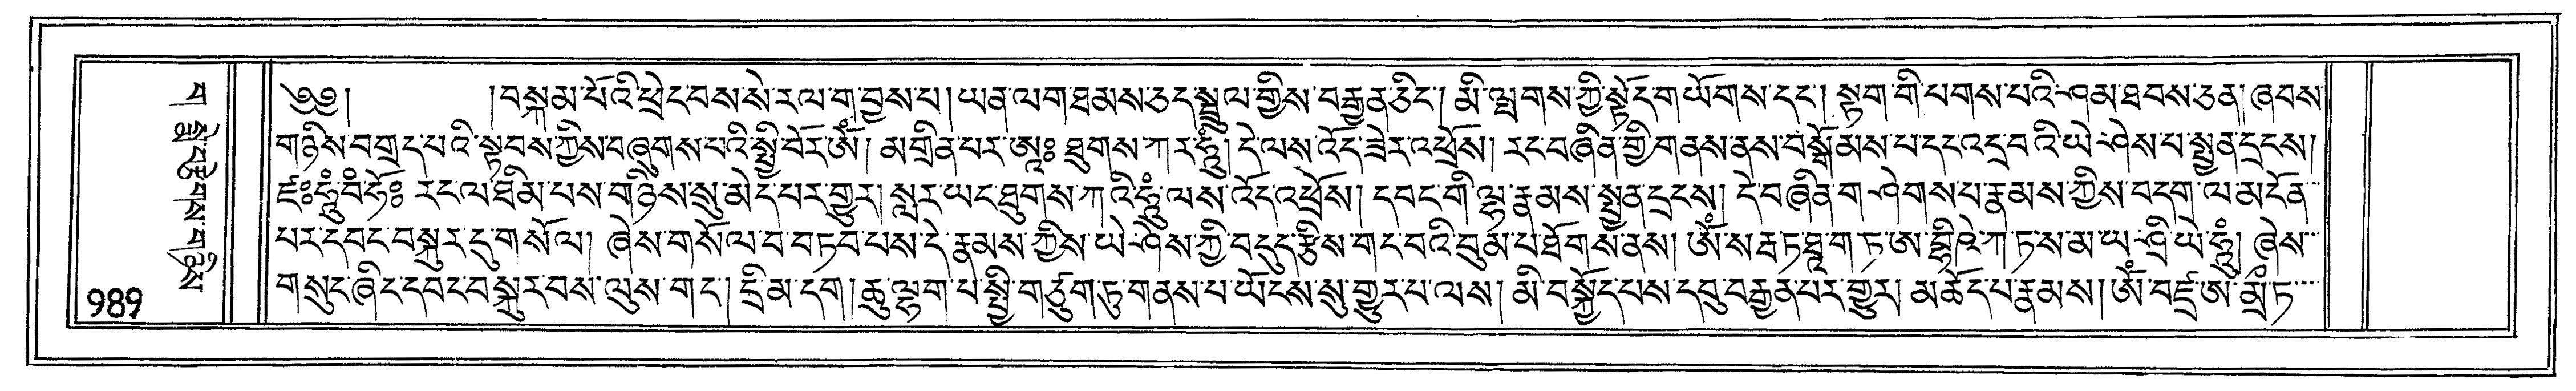༄༅། །བསྐམ་པོའི་ཕྲེང་བས་སེ་རལ་ག་བྱས་པ། ཡན་ལག་ཐམས་ཅད་སྦྲུལ་གྱིས་བརྒྱན་ཅིང་། མི་ལྤགས་ཀྱི་སྟོད་གཡོགས་དང་། སྟག་གི་པགས་པའི་ཤམ་ཐབས་ཅན། ཞབས་
གཉིས་བགྲད་པའི་སྟབས་ཀྱིས་བཞུགས་པའི་སྤྱོ་བོར་ཨོཾ། མགྲིན་པར་ཨཱཿ ཐུགས་ཀར་ཧཱུཾ། དེ་ལས་འོད་ཟེར་འཕྲོས། རང་བཞིན་གྱི་གནས་ནས་བསྒོམས་པ་དང་འདྲ་བའི་ཡེ་ཤེས་པ་སྤྱན་དྲངས།
ཛཿ ཧཱུཾ་བཾ་ཧོཿ རང་ལ་ཐིམ་པས་གཉིས་སུ་མེད་པར་གྱུར། སླར་ཡང་ཐུགས་ཀའི་ཧཱུཾ་ལས་འོད་འཕྲོས། དབང་གི་ལྷ་རྣམས་སྤྱན་དྲངས། དེ་བཞིན་གཤེགས་པ་རྣམས་ཀྱིས་བདག་ལ་མངོན་
པར་དབང་བསྐུར་དུ་གསོལ། ཞེས་གསོལ་བ་བཏབ་པས་དེ་རྣམས་ཀྱིས་ཡེ་ཤེས་ཀྱི་བདུད་རྩིས་གང་བའི་བུམ་པ་ཐོགས་ནས། ཨོཾ་སརྦ་ཏ་ཐཱ་ག་ཏ་ཨ་བྷི་ཥེ་ཀ་ཏ་ས་མ་ཡ་ཤྲི་ཡེ་ཧཱུཾ། ཞེས་
གསུང་ཞིང་དབང་བསྐུར་བས་ལུས་གང་། དྲི་མ་དག །ཆུ་ལྷག་པ་སྤྱི་གཙུག་ཏུ་གནས་པ་ཡོངས་སུ་གྱུར་པ་ལས། མི་བསྐྱོད་པས་དབུ་བརྒྱན་པར་གྱུར། མཆོད་པ་རྣམས། ཨོཾ་བཛྲ་ཨ་མྲྀ་ཏ་